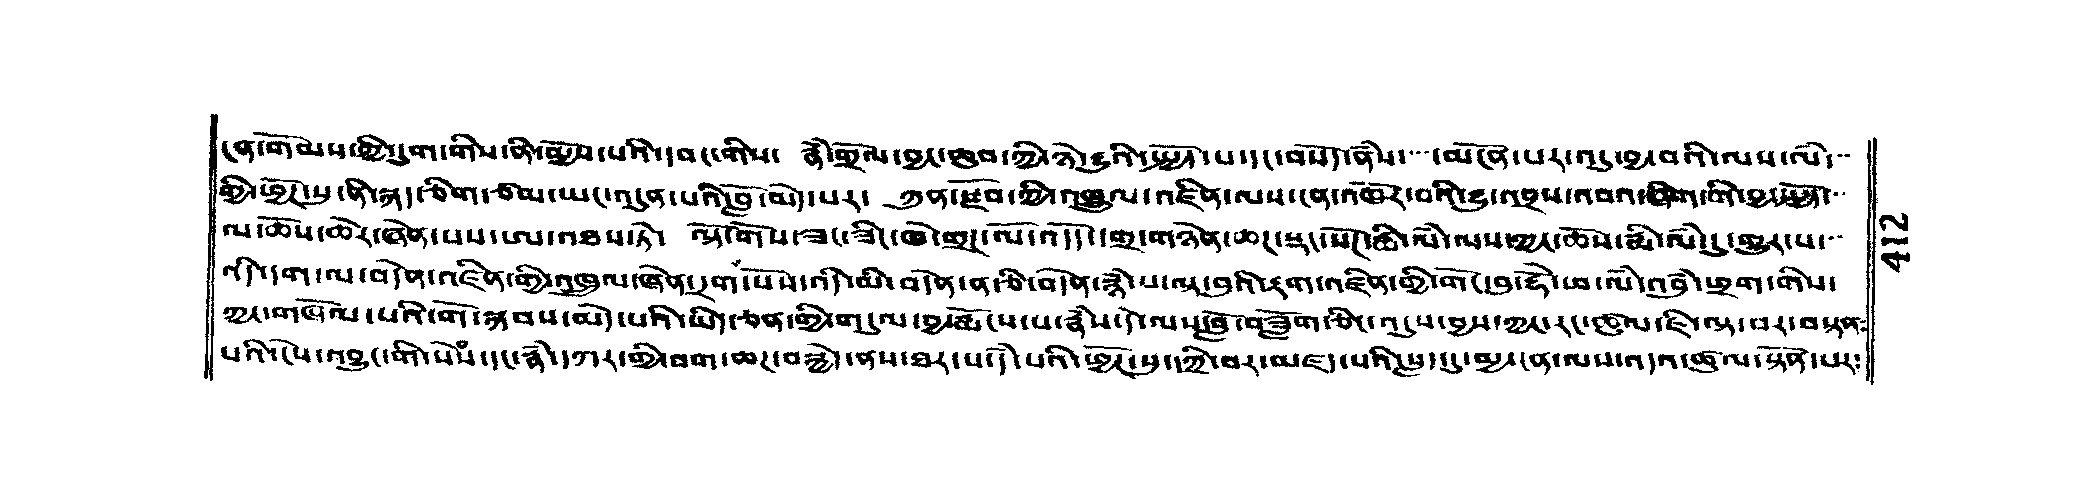ངན་གོམས་ཀྱི་དུག་གིས་ནི་མྱོས་པའི་དབང་གིས། རྣམ་གྲོལ་བྱང་ཆུབ་ཀྱི་ཉེ་རྒྱུའི་སྤྱོད་པ་དང་བསོད་ནམས་མངོན་པར་འདུ་བྱ་བའི་ལས་ལམ་
གྱི་ཕྱོགས་སུ་ནི་སྐད་ཅིག་ཙམ་ཡང་འདུན་པའི་བློ་མེད་པར། ཀུན་རྫོབ་ཀྱི་འཁྲུལ་འཛིན་ལས་ངན་འཁོར་བའི་རྒྱུ་འབྲས་འབའ་ཞིག་གི་བྱ་སྤྱོད་
ལ་ཆེས་ཆེར་ཞེན་པས་ཨ་འཐས་ཏེ། ལྟོ་གོས་ཟང་ཟིང་ཁེ་གྲགས་ལོ་འདོད་དགྲ་གཉེན་ཆགས་སྡང་སོགས་རྨི་ལམ་ལས་ཀྱང་ཆེས་རྨི་ལམ་དུ་གྱུར་པ་
འདི་དག་ལ་བདེན་འཛིན་གྱི་འཁྲུལ་ཞེན་དྲག་པོས་འདི་མི་བདེན་ན་ཅི་བདེན་སྙམ་པ་ལྟ་བུའི་རྟག་འཛིན་གྱི་གོང་བུ་རྡོ་རྗེ་ཕ་ལམ་འབུམ་ཕྲག་གིས་
ཀྱང་གཞོམ་པའི་གོ་སྐབས་མེད་པའི་ཡིད་ཅན་གྱི་གདུལ་བྱ་རྨོངས་པ་རྣམས་དེ་ལས་བློ་བཟློག་ཅིང་འདུས་བྱས་ཀྱང་རང་ཚུལ་ཇི་ལྟ་བར་བསྟན་
པའི་ངེས་འབྱུང་གི་སེམས་དང་རྣམ་དཀར་གྱི་བག་ཆགས་བསྐྱེད་ནས་ཐར་པ་དམ་པའི་ཕྱོགས་སུ་དཀྲི་བར་མཛད་པའི་སླད་དུ་མྱ་ངན་ལས་འདའ་ཚུལ་སྟོན་པར་